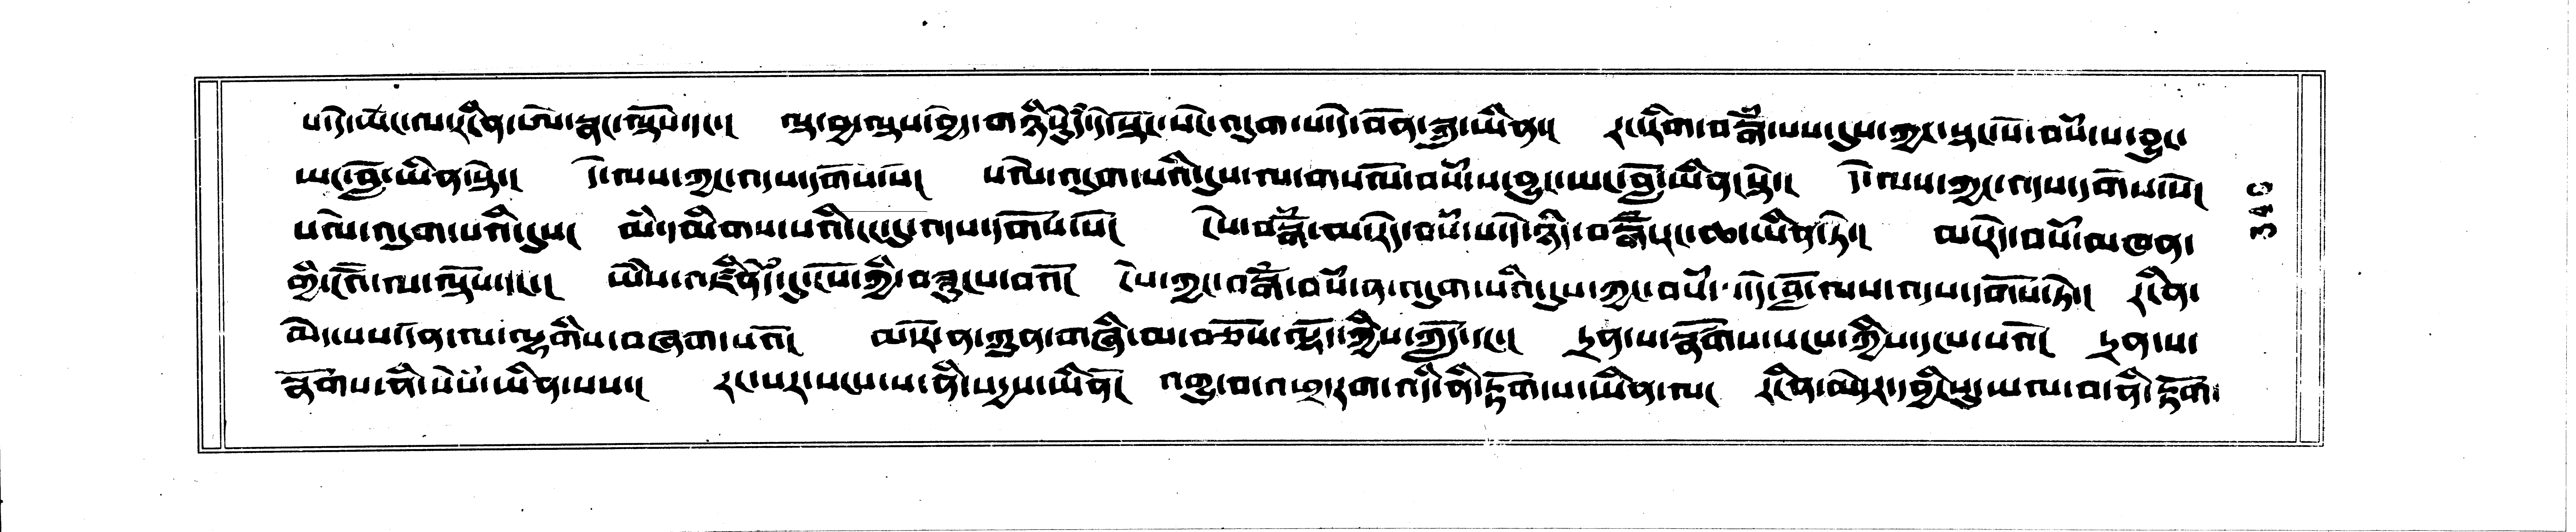པ་དེ་ལ་རང་བཞིན་ཨེ་སྣང་ལྟོས་དང་། ད་ལྟ་༼བལྟ་བྱ༽ལྟ་བྱེད་གཉིས་སུ་མེད་དེ་སྟོང་སལེ་‘‘སང་ངེ”འདུག་པ་འདི་བོན་སྐུ་ཡིན། རང་གིས་སྒོམ་པའི་དུས་ལ་སྟོང་སོ་བསམ་པ་བྱུང་
ཡང་བློ་ཡིན་ཏེ། དེ་ལས་ཀྱང་འདས་དགོས་སོ། སལེ་འདུག་པའི་དུས་ལ་གསལ་ལོ་བསམ་པ་བྱུང་ན་ཡང་བློ་ཡིན་པས་ 
མི་དམིགས་པའི་ངང་དུ་འདས་དགོས་སོ། ངས་སྒོམ་མ་རེད་བསམ་པ་བྱུང་ཡང་བསམ་པ་དེ་ཉིད་སྒོམ་རང་ཆས་ཡིན་ཏེ། མ་རེད་བསམ་མཁན་
གྱིས་ངོའོ་ལ་ལྟ་སྟེ་ ཡེ་ཤེས་འཛིན་མེད་དུ་ངོས་ཀྱིས་བཟུང་པའོ། ངས་སྒོམས་བསམ་ནས་འདུག་པའི་དུས་ཀྱང་བསམ་པ་དེ་བློ་ལས་འདས་དགོས་ཏེ། རང་བཞིན་
མེད་པའི་དོན་ལ་ལྷག་གིས་བཞག་པའོ། མདོར་ན་ཀུན་གཞི་མ་བཅོས་ལྷོད་ཀྱིས་ཀློད་དང་། དྲན་པ་སྣ་ཚོགས་སངས་ཀྱིས་དངས་པའོ། དྲན་པ་
སྣ་ཚོགས་ནི་སེམས་ཡིན་ལ། རང་སར་སངས་པ་ནི་སངས་རྒྱས་ཡིན་ནོ། འགྱུ་བ་འཕྲ་རག་པ་འདི་ནི་རྣམ་རྟོག་ཡིན་ལ། རང་བཞིན་མེད་པར་དབྱིངས་སུ་གསལ་བ་ནི་རྟོག་་